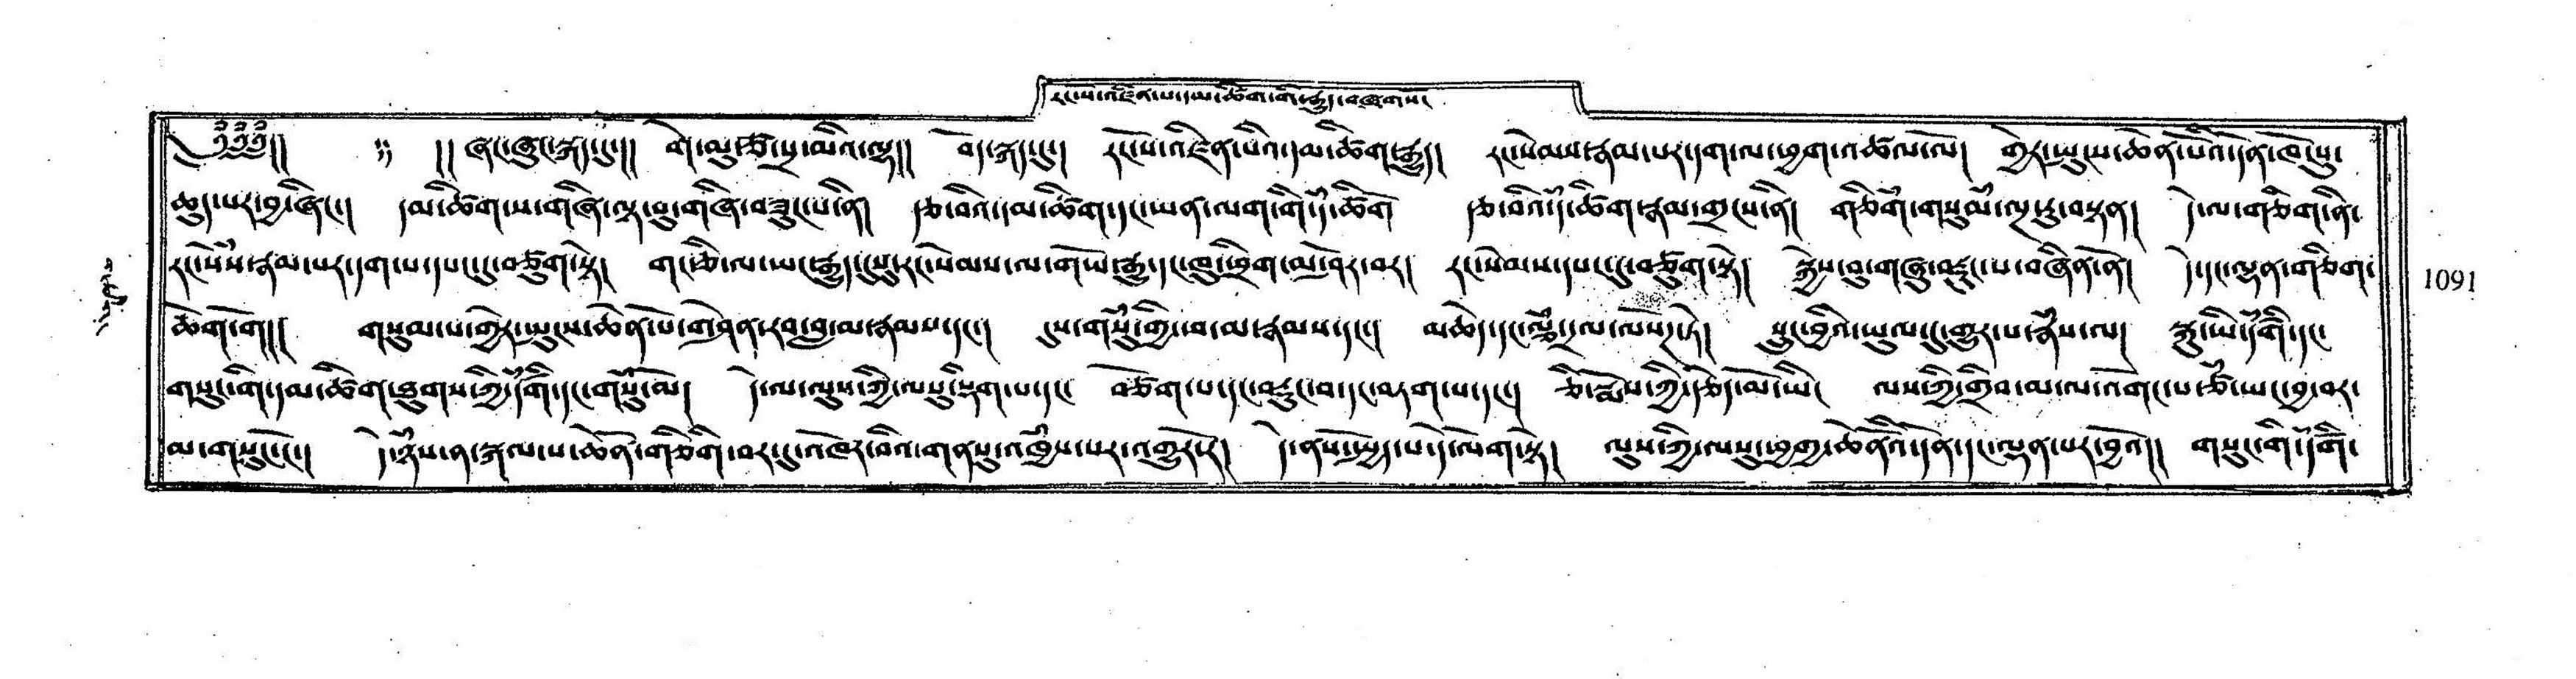རང་སོ་འཛིན་པ་དམ་ཚིག་གི་རྒྱུད་བཞུགས་སོ།༄༅༅།། །།ཞང་ཞུང་སྐད་དུ།། གེ་མུ་ཙ་པྲ་མའི་ལྷ།། བོད་སྐད་དུ། རང་སོ་འཛིན་པའི་དམ་ཚིག་རྒྱུད། རང་སེམས་རྣམ་པར་དག་ལ་ཕྱག་འཚལ་ལོ། གྱེར་སྤུངས་ཆེན་པོའི་དོན་ཁོངས་སུ་
ཆུད་པར་བྱ་ཞིང་། དམ་ཚིག་ས་གཞི་ལྟ་བུ་གཞི་བཟུང་པ་ནི། རྩ་བའི་དམ་ཚིག་དང་ཡན་ལག་གི་དམ་ཚིག་གོ རྩ་བའི་དམ་ཚིག་རྣམ་གྲངས་ནི། གཅིག་གམ་གསུམ་མམ་ལྔ་རུ་བསྟན། དེ་ལ་གཅིག་ནི་
རང་སེམས་རྣམ་པར་དག་པ་དཔང་དུ་བཙུག་སྟེ། གང་ཅི་ལ་ཡང་རྒྱུད་དུས་སུ་རང་སེམས་ལ་གཡོ་རྒྱུ་དང་ཁུ་འཕྲིག་མ་ཤོར་བར། རང་སེམས་དཔང་དུ་བཙུག་སྟེ། སྐྱེས་བུ་གཞུ་བརྡུང་པ་བཞིན་ནོ། དེ་དང་ལྡན་གཅིག་
ཆོག་གོ གསུམ་པ་གྱེར་སྤུངས་ཆེན་པོ་གཤེན་རབ་བླ་མ་རྣམས་དང་། དུས་གསུམ་གྱི་ཕ་མ་རྣམས་དང་། མཆེད་དང་ལྕམ་དྲལ་ལ་སོགས་ཏེ། སྲུང་བྱའི་ཡུལ་དུ་གྱུར་པ་རྣམས་ལ། སྐུ་ཡི་དམ་ཚིག་དང་
གསུང་གི་དམ་ཚིག་ཐུགས་ཀྱི་དམ་ཚིག་དང་གསུམ་མོ། དེ་ལ་ལུས་ཀྱི་ལས་སུ་སྡིག་པ་དང་། བཙོག་པ་དང་བརྡུང་བ་དང་བཏག་པ་དང་། ཅི་སྨོས་ཀྱི་རྩེད་མོ་ཡི། ལས་ཀྱི་གྲིབ་མ་ལ་འགོང་པ་ཙམ་ཡང་བྱ་བར་
མ་གསུང་ངོ་། དེ་ཉམས་ན་སྐལ་པ་ཆེན་པོ་གཅིག་གི་བར་དུ་འཁོར་བའི་གནས་སུ་འཁྱམས་པར་འགྱུར་རོ། དེ་ནས་སྤྱོད་པ་དེ་ལོག་སྟེ། ལུས་ཀྱི་ལས་སུ་ཕྱག་རྒྱ་ཆེན་པོའི་དོན་དང་ལྡན་པར་བྱའོ།། གསུང་གི་དམ་ཚིག་